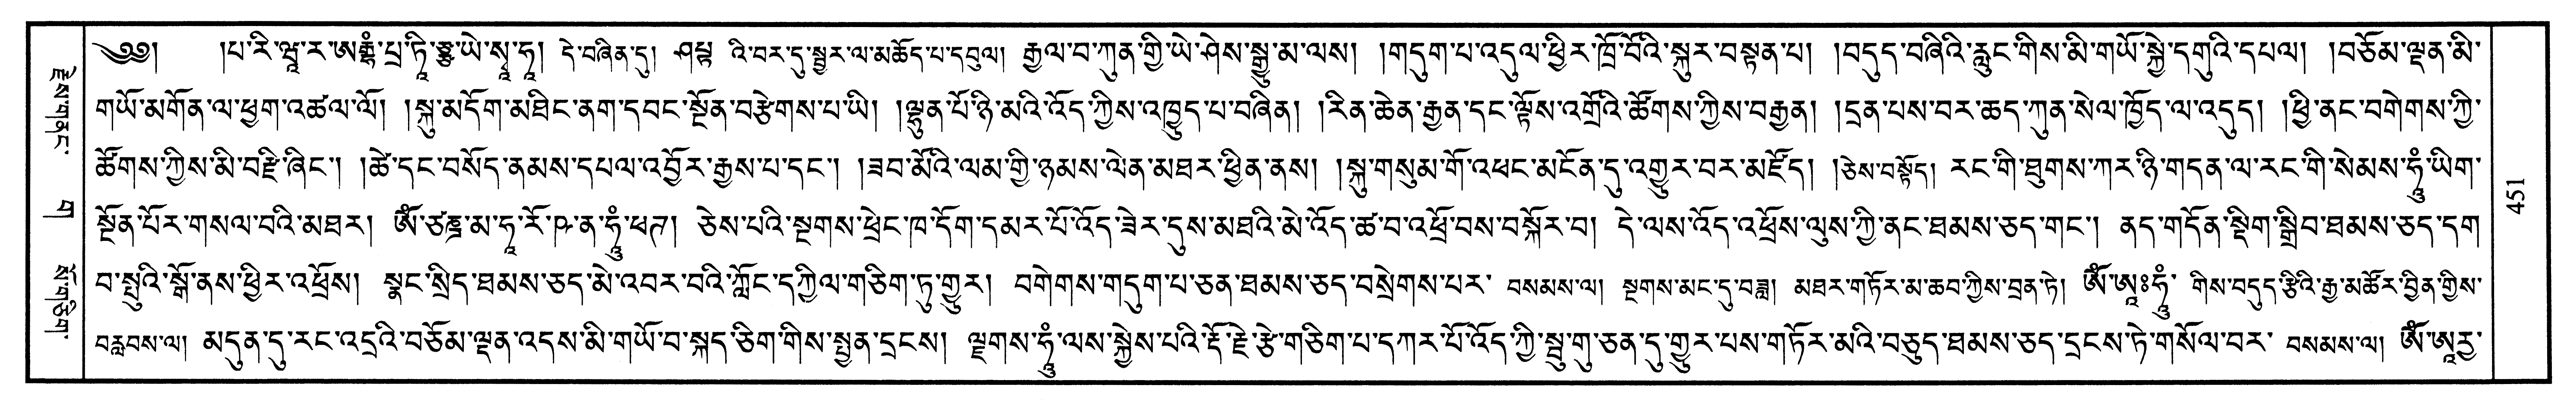༄༅། །པ་རི་ཝཱ་ར་ཨརྒྷཾ་པྲ་ཏཱི་ཙྩ་ཡེ་སྭཱ་ཧཱ། དེ་བཞིན་དུ། ཤཔྟའི་བར་དུ་སྦྱར་ལ་མཆོད་པ་དབུལ། རྒྱལ་བ་ཀུན་གྱི་ཡེ་ཤེས་སྒྱུ་མ་ལས། །གདུག་པ་འདུལ་ཕྱིར་ཁྲོ་བོའི་སྐུར་བསྟན་པ། །བདུད་བཞིའི་རླུང་གིས་མི་གཡོ་སྐྱེ་དགུའི་དཔལ། །བཅོམ་ལྡན་མི་
གཡོ་མགོན་ལ་ཕྱག་འཚལ་ལོ། །སྐུ་མདོག་མཐིང་ནག་དབང་སྔོན་བརྩེགས་པ་ཡི། །ལྷུན་པོ་ཉི་མའི་འོད་ཀྱིས་འཁྱུད་པ་བཞིན། །རིན་ཆེན་རྒྱན་དང་ལྟོས་འགྲོའི་ཚོགས་ཀྱིས་བརྒྱན། །དྲན་པས་བར་ཆད་ཀུན་སེལ་ཁྱོད་ལ་འདུད། །ཕྱི་ནང་བགེགས་ཀྱི་
ཚོགས་ཀྱིས་མི་བརྫི་ཞིང་། །ཚེ་དང་བསོད་ནམས་དཔལ་འབྱོར་རྒྱས་པ་དང་། །ཟབ་མོའི་ལམ་གྱི་ཉམས་ལེན་མཐར་ཕྱིན་ནས། །སྐུ་གསུམ་གོ་འཕང་མངོན་དུ་འགྱུར་བར་མཛོད། །ཅེས་བསྟོད། རང་གི་ཐུགས་ཀར་ཉི་གདན་ལ་རང་གི་སེམས་ཧཱུཾ་ཡིག་
སྔོན་པོར་གསལ་བའི་མཐར། ཨོཾ་ཙཎྜ་མ་ཧཱ་རོ་ཥ་ན་ཧཱུཾ་ཕཊ། ཅེས་པའི་སྔགས་ཕྲེང་ཁ་དོག་དམར་པོ་འོད་ཟེར་དུས་མཐའི་མེ་འོད་ཚ་བ་འཕྲོ་བས་བསྐོར་བ། དེ་ལས་འོད་འཕྲོས་ལུས་ཀྱི་ནང་ཐམས་ཅད་གང་། ནད་གདོན་སྡིག་སྒྲིབ་ཐམས་ཅད་དག་
བ་སྤུའི་སྒོ་ནས་ཕྱིར་འཕྲོས། སྣང་སྲིད་ཐམས་ཅད་མེ་འབར་བའི་ཀློང་དཀྱིལ་གཅིག་ཏུ་གྱུར། བགེགས་གདུག་པ་ཅན་ཐམས་ཅད་བསྲེགས་པར་བསམས་ལ། སྔགས་མང་དུ་བཟླ། མཐར་གཏོར་མ་ཆབ་ཀྱིས་བྲན་ཏེ། ཨོཾ་ཨཱཿ ཧཱུཾ་གིས་བདུད་རྩིའི་རྒྱ་མཚོར་བྱིན་གྱིས་
བརླབས་ལ། མདུན་དུ་རང་འདྲའི་བཅོམ་ལྡན་འདས་མི་གཡོ་བ་སྐད་ཅིག་གིས་སྤྱན་དྲངས། ལྗགས་ཧཱུཾ་ལས་སྐྱེས་པའི་རྡོ་རྗེ་རྩེ་གཅིག་པ་དཀར་པོ་འོད་ཀྱི་སྦུ་གུ་ཅན་དུ་གྱུར་པས་གཏོར་མའི་བཅུད་ཐམས་ཅད་དྲངས་ཏེ་གསོལ་བར་བསམས་ལ། ཨོཾ་ཨཱརྱ་